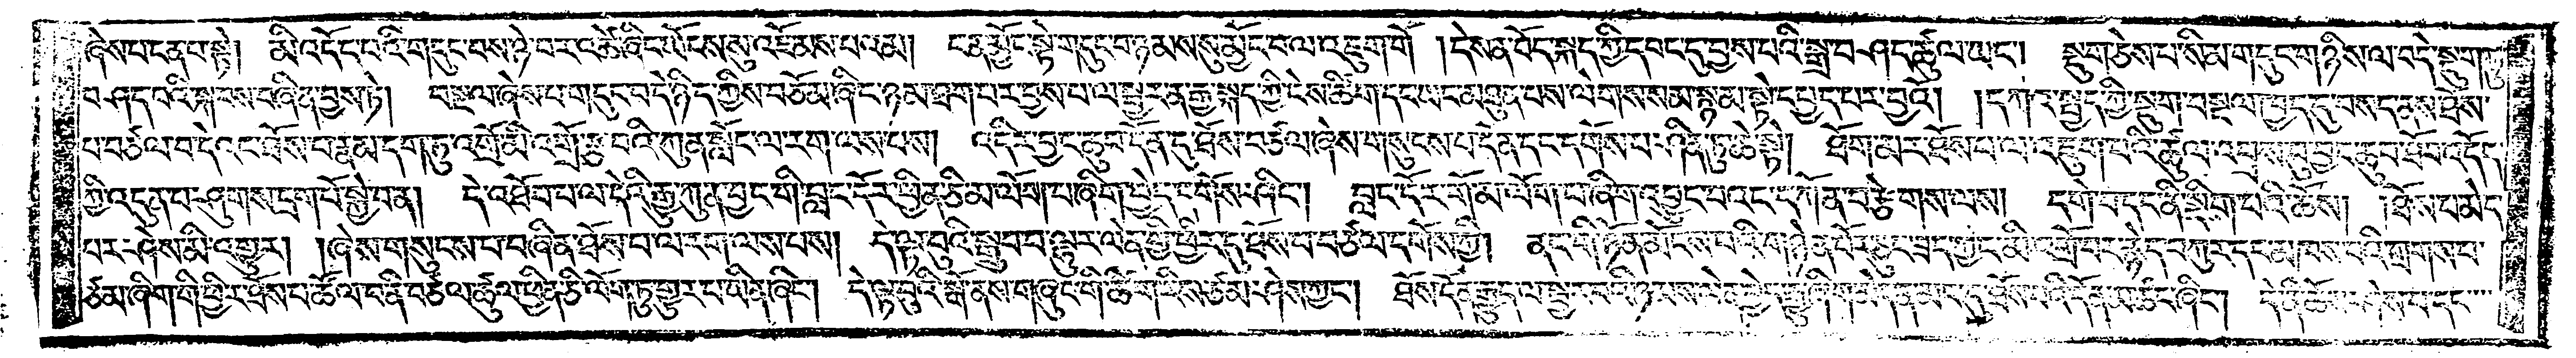ཞེས་པ་ངན་པ་སྟེ། མི་འདོད་པའི་གདུང་བས་ཉེ་བར་འཚོ་ཞིང་ཡོངས་སུ་འཇོམས་པའམ། ངན་མྱོང་སྟ་གདུང་བ་ཉམས་སུ་མྱོང་པ་ལ་འཇུག་གོ །དེས་ན་བོད་སྐད་ཀྱི་དབང་དུ་བྱས་པའི་སྒྲ་བཤད་ཚུལ་ཡང་། སྡུག་ཅེས་པ་སིམ་གདུང་གཉིས་ལ་བདེ་སྔག་ཏུ་
བཤད་པའི་སྐབས་བཞིན་བྱས་ཏེ། བསྔལ་ཞེས་པ་གདུང་བ་དེ་ཉིད་ཀྱིས་བཅོམ་ཞིང་ཉམ་ཐག་པར་བྱས་པ་ལ་སྦྱར་ན་རྒྱ་སྐད་ཀྱི་ངེས་ཚིག་དང་ཡང་མཐུན་པས་ལེགས་སམ་སྙམ་སྟེང་བྱད་པར་བྱའོ། །དཀའ་སྤྱད་ཀྱི་སྡུག་བསྔལ་ཁྱད་དུ་བསད་ནས་ཐོས་
བ་བཙལ་བ་དེའང་ཐོས་པ་རྣམ་དག་ཏུ་འགྲོ་མི་འགྲོ་རྩ་བའི་ཀུན་སློང་ལ་རག་ལས་པས། འདིར་བྱང་ཆུབ་དོན་དུ་ཐོས་བཙལ་ཞེས་གསུངས་པ་དེན་དང་དགོས་པ་ཤིན་ཏུ་ཆེ་སྟེ། ཐོག་མར་ཐོས་པ་ལ་འཇུག་པའི་ཚུལ་འབྲས་བུ་བྱང་ཆུབ་ཐོབ་འདོད་
ཀྱི་འདུན་པ་ཤུགས་དྲག་པོ་སྐྱེ་བ་ན། དེ་འཐོབ་པ་ལ་དེའི་རྒྱུ་ཀུན་བྱང་གི་བླང་དོར་ཕྱིན་ཅི་མ་ལོག་པ་ཤིག་བྱེད་དགོས་ཤིང་། བླང་དོར་གོ་མ་ལོག་པ་ཞིག་འབྱུང་བའང་དཀོན་བརྩེགས་ལས།། དགེ་བ་དང་ནི་སྡུག་པའི་ཆོས། །ཐོས་པ་མེད་
བར་ཤེས་མི་འགྱུར། །ཞེས་གསུངས་པ་བཞིན་ཐོས་པ་ལ་རག་ལས་པས། དེ་ལྟ་བུའི་སྒྲུབ་པ་ལྷུར་ལེན་གྱི་ཕྱིར་དུ་ཐོས་པ་བཙལ་དགོས་ཀྱི། ནང་གི་ཉོན་མོངས་བའི་གཉེན་པོར་ཅུང་ཟད་ཀྱང་མི་འགྲོ་བར་རྙེད་བཀུར་དང་མཁས་པའི་གྲགས་པ་
ཙམ་ཞིག་གི་ཕྱིར་ཐོས་བ་ཚོལ་བ་ནི་བཙལ་ཚུལ་ཕྱིན་ཅི་ལོག་ཏུ་གྱུར་པ་ཡིན་ཞིང་། དེ་ལྟ་བུའི་སྒོ་ནས་གཞུང་གི་ཚིག་རིས་ཙམ་ཤིས་ཀྱང་། ཐོས་དོན་རྒྱུད་ལ་སྦྱར་བའི་ཉམས་ལེན་བྱེད་རྒྱུ་ཞིག་མེད་ན་མང་དུ་ཐོས་པའི་དོན་མཚང་ཞིང་། དེ་ནི་ཆོས་ཤེས་པ་དང་